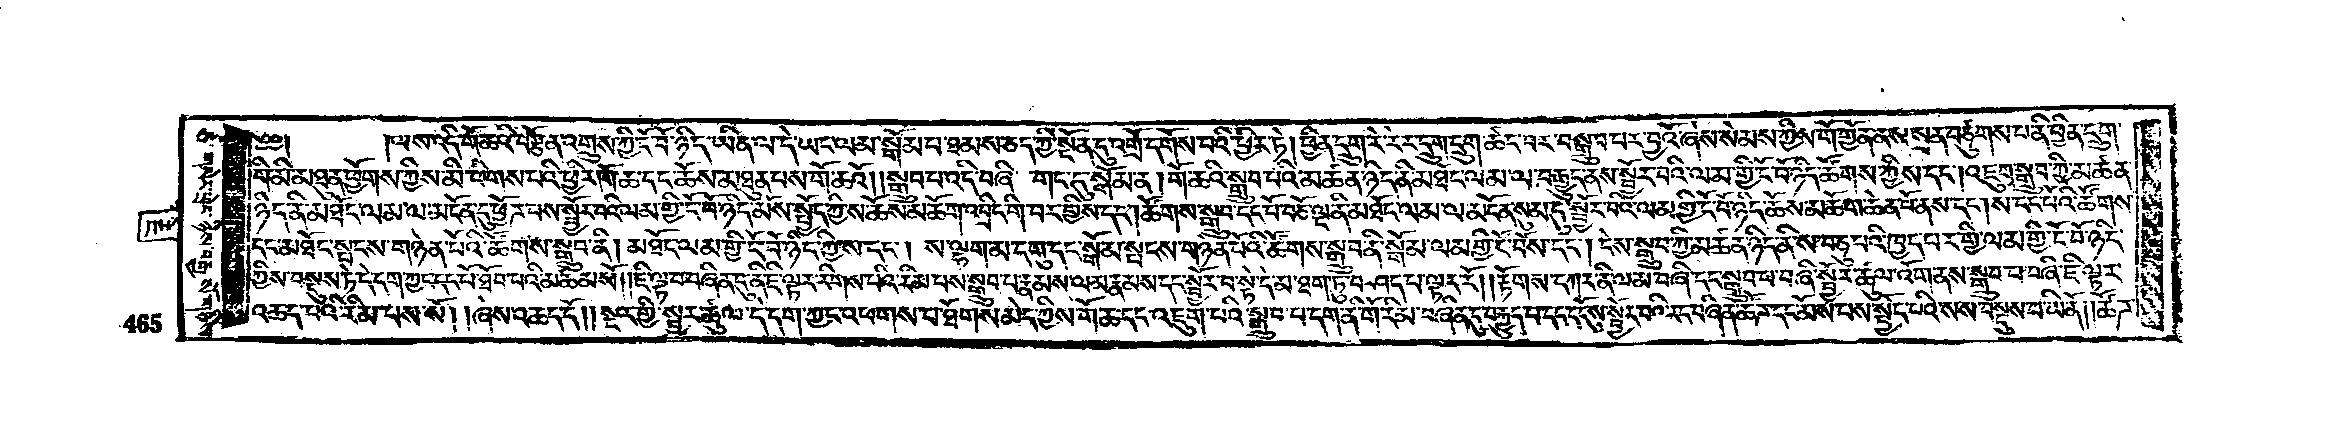༄༅། །ལས་འདི་གོ་ཆའི་བརྩོན་འགྲུས་ཀྱི་ངོ་བོ་ཉིད་ཡིན་ལ་དེ་ཡང་ལམ་སྒོམ་པ་ཐམས་ཅད་ཀྱི་སྔོན་དུ་འགྲོ་དགོས་པའི་ཕྱིར་ཏེ། ཕྱིན་དྲུག་རེ་རེར་དྲུག་དྲུག་ཚང་བར་བསྒྲུབ་པར་བྱའོ་ཞེས་སེམས་ཀྱིས་གོ་གྱོན་ནས་སྲན་བཙུགས་པ་ནི་ཕྱིན་དྲུག་
གི་མི་མཐུན་ཕྱོགས་ཀྱིས་མི་ཕིགས་པའི་ཕྱིར། གོ་ཆ་དང་ཆོས་མཐུན་པས་གོ་ཆའོ། །སྒྲུབ་པ་འདི་བཞི་གང་དུ་སྒོམ་ན། གོ་ཆའི་སྒྲུབ་པའི་མཚན་ཉིད་ནི་མཐོང་ལམ་ལ་བརྒྱུད་ནས་སྦྱོར་བའི་ལམ་གྱི་ངོ་བོ་ཉིད་ཚོགས་ཀྱིས་དང་། འཇུག་སྒྲུབ་ཀྱི་མཚན་
ཉིད་ནི་མཐོང་ལམ་ལ་མངོན་དུ་ཕྱོགས་པས་སྦྱོར་བའི་ལམ་གྱི་ངོ་བོ་ཉིད་མོས་སྤྱོད་ཀྱི་ས་ཆོས་མཆོག་འབྲིང་གི་བར་གྱིས་དང་། ཚོགས་སྒྲུབ་དང་པོ་བཅོ་ལྔ་ནི་མཐོང་ལམ་ལ་མངོན་སུམ་དུ་སྦྱོར་བའི་ལམ་གྱི་ངོ་བོ་ཉིད་ཆོས་མཆོག་ཆེན་པོ་ནས་དང་། ས་དང་པོའི་ཚོགས་
དང་མཐོང་སྤངས་གཉེན་པོའི་ཚོགས་སྒྲུབ་ནི། མཐོང་ལམ་གྱི་ངོ་བོ་ཉིད་ཀྱི་ས་དང་། ས་ལྷག་མ་དགུ་དང་སྒོམ་སྤངས་གཉེན་པོའི་ཚོགས་སྒྲུབ་ནི་སྒོམ་ལམ་གྱི་ངོ་བོས་དང་། དེས་སྒྲུབ་ཀྱི་མཚན་ཉིད་ནི་ས་བཅུ་པའི་ཁྱད་པར་གྱི་ལམ་གྱི་ངོ་བོ་ཉིད་
ཀྱིས་བསྡུས་ཏེ་དེ་དག་ཀྱང་དང་པོ་ཐོབ་པའི་མཚམས་སོ། །ཇི་ལྟ་བ་བཞིན་དུ་ནི་ཇི་ལྟར་རིགས་པའི་རིམ་པས་སྒྲུབ་པ་རྣམས་ལམ་རྣམས་དང་སྦྱོར་བ་སྟེ་དེ་མ་ཐག་ཏུ་བཤད་པ་ལྟར་རོ། །རྟོགས་དཀར་ནི་ལམ་བཞི་དང་སྒྲུབ་པ་བཞི་སྦྱོར་ཚུལ་འོག་ནས་སྒྲུབ་པ་བཞི་ཇི་ལྟར་
འཆད་པའི་རིམ་པས་སོ། །ཞེས་འཆད་དོ། །སྔར་གྱི་སྦྱར་ཚུལ་དེ་དག་ཀྱང་འཕགས་པ་ཐོགས་མེད་ཀྱིས་གོ་ཆ་དང་འཇུག་པའི་སྒྲུབ་པ་དག་ནི་གོ་རིམ་བཞིན་དུ་བརྒྱུད་པ་དང་དངོས་སུ་སྦྱོར་བའི་རང་བཞིན་ཚོགས་དང་མོས་པས་སྤྱོད་པའི་སས་བསྡུས་པ་ཡིན་ནོ། །ཚོགས་